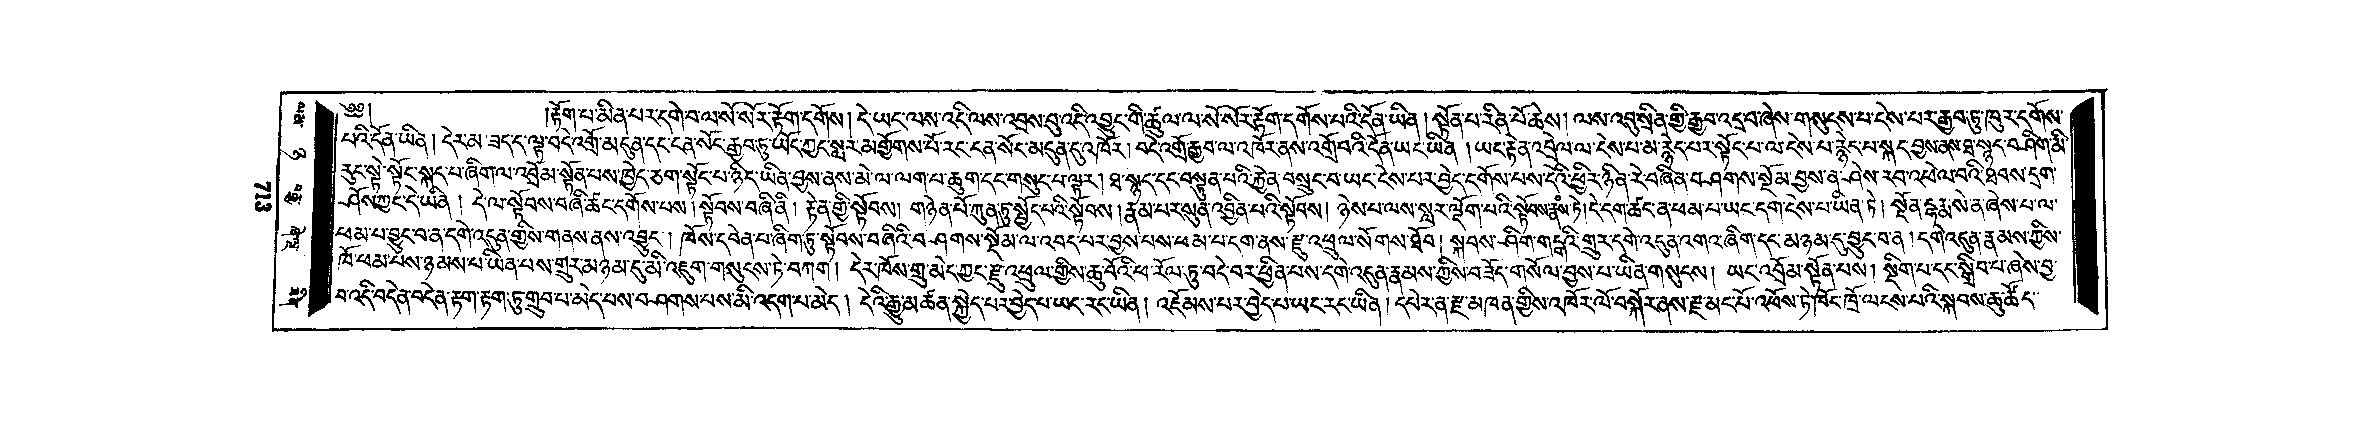༄༅། །རྟོག་པ་མིན་པར་དགེ་བ་ལ་སོ་སོར་རྟོག་དགོས། དེ་ཡང་ལས་འདི་ལས་འབྲས་བུ་འདི་འབྱུང་གི་ཚུལ་ལ་སོ་སོར་རྟོག་དགོས་པའི་དོན་ཡིན། སྟོན་པ་རིན་པོ་ཆེས། ལས་འབུ་སྲིན་གྱི་རྒྱབ་འདྲ་བ་ཞེས་གསུངས་པ་དེས་པར་རྒྱབ་ཏུ་ཁུར་དགོས་
པའི་དོན་ཡིན། དེར་མ་ཟད་ད་ལྟ་བདེ་འགྲོ་མདུན་དང་ངན་སོང་རྒྱབ་ཏུ་ཡོད་ཀྱང་སླར་མགྱོགས་པོ་རང་ངན་སོང་མདུན་དུ་འཁོར། བདེ་འགྲོ་རྒྱབ་ལ་འཁོར་ནས་འགྲོ་བའི་དོན་ཡང་ཡིན། ཡང་རྟེན་འབྲེལ་ལ་ངེས་པ་མ་རྙེད་པར་སྟོད་པ་ལ་ངེས་པ་རྙེད་པ་སྐད་བྱས་ནས་ཐ་སྙད་བཤིག་མི་
རུང་སྟེ་སྟོང་སྐད་པ་ཞིག་ལ་འབྲོམ་སྟོན་པས་ཁྱེད་ཅག་སྟོང་པ་ཉིད་ཡིན་བྱས་ནས་མེ་ལ་ལག་པ་ཆུག་དང་གསུང་པ་ལྟར། ཐ་སྙད་དང་བསྟུན་པའི་རྐྱེན་བསྲུང་བ་ཡང་ངེས་པར་བྱེད་དགོས་པས་དེའི་ཕྱིར་ཉིན་རེ་བཞིན་བཤགས་སྡོམ་བྱས་ན་ཤེས་རབ་འཕེལ་བའི་ཐབས་དྲག་
ཤོས་ཀྱང་དེ་ཡིན། དེ་ལ་སྟོབས་བཞི་ཚང་དགོས་པས། སྟོབས་བཞི་ནི། རྟེན་གྱི་སྟོབས། གཉེན་པོ་ཀུན་ཏུ་སྤྱོད་པའི་སྟོབས། རྣམ་པར་སུན་འབྱིན་པའི་སྟོབས། ཉེས་པ་ལས་སླར་ལྡོག་པའི་སྟོབས་རྣམས་ཏེ། དེ་དག་ཚང་ན་ཕམ་པ་ཡང་དག་ངེས་པ་ཡིན་ཏེ། སྔོན་དྷརྨ་སེ་ན་ཞེས་པ་ལ་
ཕམ་པ་བྱུང་བ་ན་དགེ་འདུན་གྱིས་གནས་ནས་འབྱུང་། ཁོས་དབེན་པ་ཞིག་ཏུ་སྟོབས་བཞིའི་བཤགས་སྡོམ་ལ་འབད་པར་བྱས་པས་ཕམ་པ་དག་ནས་རྫུ་འཕྲུལ་སོགས་ཐོབ། སྐབས་ཤིག་གངྒའི་གྲུར་དགེ་འདུན་འགའ་ཞིག་དང་མཉམ་དུ་བྱུང་བ་ན། དགེ་འདུན་རྣམས་ཀྱིས་
ཁོ་ཕམ་པས་ཉམས་པ་ཡིན་པས་གྲུར་མཉམ་དུ་མི་འཇུག་གསུངས་ཏེ་བཀག །དེར་ཁོས་གྲུ་མེད་ཀྱང་རྫུ་འཕྲུལ་གྱིས་ཆུ་བོའི་ཕ་རོལ་ཏུ་བདེ་བར་ཕྱིན་པས་དགེ་འདུན་རྣམས་ཀྱིས་བཟོད་གསོལ་བྱས་པ་ཡིན་གསུངས། ཡང་འབྲོམ་སྟོན་པས། སྡིག་པ་དང་སྒྲིབ་པ་ཞེས་བྱ་
བ་འདི་བདེན་བདེན་རྟག་རྟག་ཏུ་གྲུབ་པ་མེད་པས་བཤགས་པས་མི་འདག་པ་མེད། དེའི་རྒྱུ་མཚན་སྐྱེད་པར་བྱེད་པ་ཡང་རང་ཡིན། འཇོམས་པར་བྱེད་པ་ཡང་རང་ཡིན། དཔེར་ན་རྫ་མཁན་གྱིས་འཁོར་ལོ་བསྐོར་ནས་རྫ་མང་པོ་འཕོས་ཏེ་ཁོང་ཁྲོ་ལངས་པའི་སྐབས་ཆུ་ཚོད་